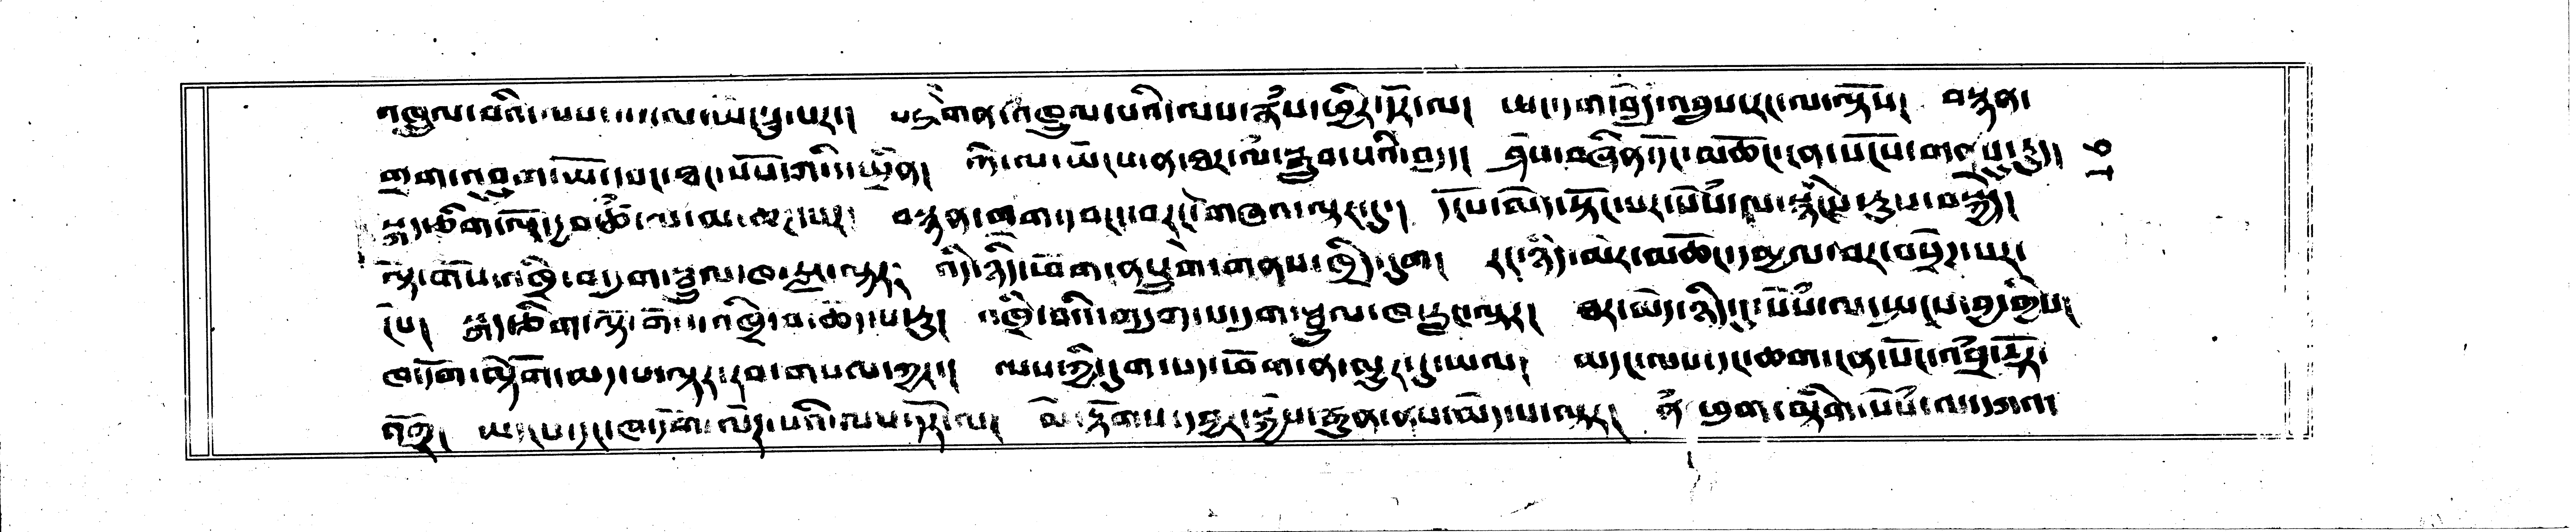འཁྲུལ་པའི་ལས་ལ་མ་ཡེངས་པར། འཇིག་རྟེན་འཁྲུལ་པའི་ལས་རྣམས་ཕྱིར་དོར་ལ། ཡང་དག་བླ་མེད་འབྲས་བུ་རང་ལ་ལྟོས། སྙན་
གྲགས་འབྲུག་མོ་དབང་ཐང་སོས་ཀའི་སྤྲིན། འདི་ལ་ཡེངས་ན་ཐར་ལམ་བསྒྲུབ་པའི་བདུད། ཤེས་བཞིན་དོང་མཆོང་ངན་སོང་གནས་སུ་བརྒྱུད། 
སྐད་ཅིག་ལྟོ་རྒྱབ་ཙམ་ལ་མ་ཆགས་པར། སྙན་གྲགས་དབང་ཐང་བར་སྣང་གཞའ་ལྟར་དུ། དངོས་མེད་སྟོང་པར་སེམས་ལ་སྙིང་རུས་བསྐྱེད། 
ལྟོ་གོས་འཁྲི་བ་དུག་སྦྲུལ་ཁ་རླངས་ལྟར། འདི་ཉིད་ཕོག་ན་རིགས་དྲུག་གནས་ཁྲིད་དུག རང་ཉིད་མེར་མཆོང་དམྱལ་བར་བསྲེགས་པར་
ངེས། སྐད་ཅིག་ལྟོ་གོས་འཁྲི་བ་ཆོད་པ་རུ། འཁྲི་བའི་གདུག་པ་དུག་སྦྲུལ་ཁ་རླངས་ལྟར། ཐར་མེད་ཉིད་དུ་སེམས་ལ་སྤང་བྱ་གྱིས། 
ཁ་དོག་མེ་ཏོག་མདངས་ལྟར་རབ་གསལ་ཀྱང་། ལས་ཀྱི་དུག་སད་ཕོག་ན་མྱུར་དུ་ཡལ། མདངས་ལས་དང་ཆགས་ངན་སོང་འགྲམ་རྡོར་
འགྲོ། མདངས་དང་ཁ་དོག་ལེགས་པའི་ལས་དོར་ལ། མེ་ཏོག་དབྱར་སྐྱེས་རྒུན་ནས་མེད་པ་ལྟར། ནམ་ཕུག་མི་རྟག་སེམས་ལ་དཀའ་